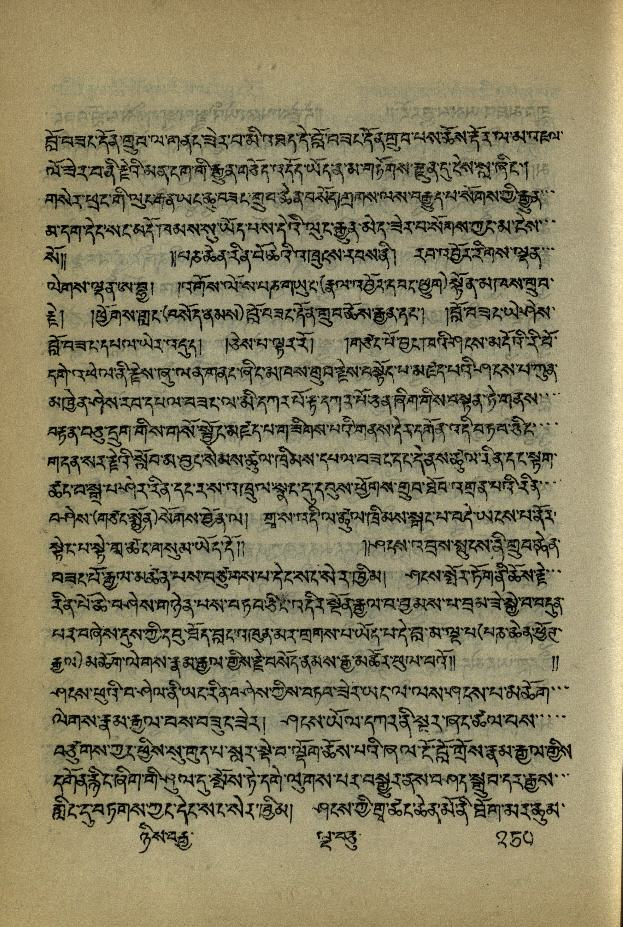བློ་བཟང་དོན་གྲུབ་ལ་གནང་ཟེར་བ་མི་འཐད་དེ་བློ་བཟང་དོན་གྲུབ་པས་ཆོས་རྡོར་ལ་མ་འཇལ་
ལོ་ཟེར་བ་ནི་རྗེའི་མན་ངག་གི་རྒྱུན་གཅོད་འདོད་ཡོད་ན་མ་གཏོགས་རྫུན་དུ་ངེས་སླ་ཞིང་།
གསེར་ཕྲང་གི་ལུང་རྒན་ཡང་ཆུ་བཟང་གྲུབ་ཆེན་བསོད། གྲགས་ལས་བརྒྱུད་པ་སོགས་ཀྱི་རྒྱུན་
མ་དག་དེང་སང་མདོ་ཁམས་སུ་ཡོད་པས་དེའི་ལུང་རྒྱུན་མེད་ཟེར་བ་སོགས་ཀྱང་མ་ངེས་
སོ།། །།པཎ་ཆེན་རིན་པོ་ཆེའི་འཁྲུངས་རབས་ནི། རབ་འབྱོར་རིགས་ལྡན་
ལེགས་ལྡན་ཨ་བྷྱ། །འགོས་ལོ་ས་པཎ་གཡུང་རྣལ་འབྱོར་དབང་ཕྱུག་སྟོན་མཁས་གྲུབ་
རྗེ། །ཕྱོགས་གླང་བསོད་ནམས་བློ་བཟང་དོན་གྲུབ་ཆོས་རྒྱན་དང་། །བློ་བཟང་ཡེ་ཤེས་
བློ་བཟང་དཔལ་ཡེར་འདུད། །ཅེས་པ་ལྟར་རོ། །གཙང་པོ་བྱང་ཁའི་ཤངས་མདོའི་རི་བོ་
དགེ་འཕེལ་ནི་རྗེས་ཞུ་ལན་གནང་ཞིང་མཁས་གྲུབ་རྗེས་བསྟོད་པ་མཛད་པའི་ཤངས་པ་ཀུན་
མཁྱེན་ཤེས་རབ་དཔལ་བཟང་ལ་མི་དཀར་པོ་རྟ་དཀར་པོ་ཅན་ཞིག་གིས་བསྟན་ཏེ་གནས་
བརྟན་བཅུ་དྲུག་གིས་གསོ་སྦྱོང་མཛད་པ་གཟིགས་པའི་གནས་དེར་དགོན་འདི་བཏབ་ཅིང་
གདན་སར་རྗེའི་སློབ་མ་བྱང་སེམས་ཚུལ་ཁྲིམས་དཔལ་བཟང་དང་དེ་ནས་ཚུལ་རིན་དང་སྟག་
ཚང་བ་སྒྲ་པ་ཤེར་རིན་དང་ར་ས་འཁྲུལ་སྣང་དུ་དབུས་ཕྱོགས་གྲུབ་ཐོབ་འགྲན་པའི་རིན་
བཤེས་གཙང་སྨྱོན་སོགས་བྱོན་ལ། གྲྭ་ས་འདི་ལ་ཚུལ་ཁྲིམས་སྒང་པ་བདེ་ཡངས་པ་ནོར་
སྟེང་པ་སྟེ་གྲྭ་ཚང་གསུམ་ཡོད་དོ།། །།ཤངས་འབྲས་སྤུངས་ནི་གྲུབ་ཆེན་
བཟང་པོ་རྒྱལ་མཚན་པས་བཙུགས་པ་དེང་སང་སེར་ཁྱིམ། ཤངས་སྤོར་ཏོག་ནི་ཆོས་རྗེ་
རིན་པོ་ཆེ་བཤེས་གཉེན་པས་བཏབ་ཅིང་འདིར་སྔོན་རྒྱལ་བ་བྱམས་པ་བྲམ་ཟེ་སྐྱེ་བ་བདུན་
པར་བཞེས་དུས་ཀྱི་དབུ་ཐོད་བླང་འཁུན་མར་གྲགས་པ་ཡོད་པ་དེ་བླ་མ་ལྔ་པ་པཎ་ཆེན་ཕྱོཌ་
རྒྱལ་མཆོག་ལེགས་རྣམ་རྒྱལ་གྱིས་རྗེ་བསོད་ནམས་རྒྱ་མཚོར་ཕུལ་བའོ།། །།
ཤངས་ཕུའི་བཤེལ་ནི་ཡང་རིན་བཤེས་ཀྱིས་བཏབ་ཟེར་ཡང་ལ་ལས་ཤངས་པ་མཆོག་
ལེགས་རྣམ་རྒྱལ་བས་བཟུང་ཟེར། ཤངས་ཡོལ་དཀར་ནི་སྔར་ཞང་ཚལ་བས་
བཙུགས་ཀྱང་ཕྱིས་སུ་གུད་པ་སླར་སྡེ་བ་ལྡོག་ཆོས་པའི་ཞལ་ངོ་བློ་གྲོས་རྣམ་རྒྱལ་གྱིས་
དགོན་རྙིང་ཞིག་གི་ཤུལ་དུ་སྤོས་ཏེ་དགེ་ལུགས་པར་བསྒྱུར་ནས་བཤད་སྒྲུབ་དར་རྒྱས་
གླིང་དུ་བཏགས་ཀྱང་དེང་སང་སེར་ཁྱིམ། ཤངས་ཀྱི་གྲྭ་ཚང་ཆེན་མོ་ནི་ཐོག་མར་ཆུམ་